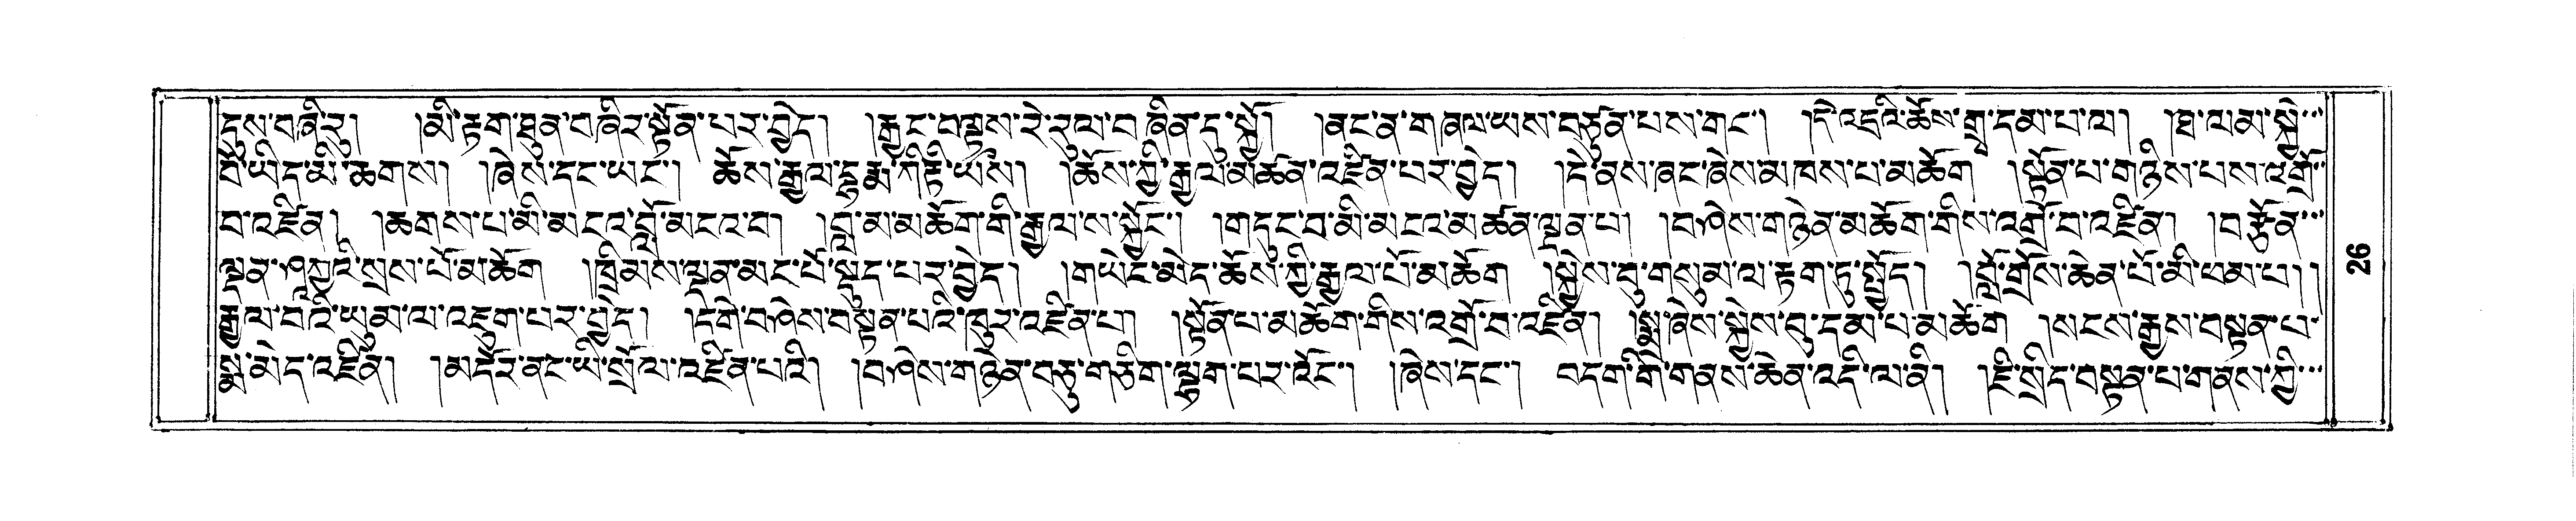དུས་བཞི་རུ། །མི་རྟག་ཐུན་བཞིར་སྟོན་པར་བྱེད། །རྒྱང་བལྟས་རེ་རུལ་བཞིན་དུ་སྐྱོ། །ནང་ན་གཞལ་ཡས་བཙུན་པས་གང་། །དེ་འདྲའི་ཆོས་གྲྭ་དམ་པ་ལ། །ཐ་ལམ་སྐྱེ་
བོ་ཡིད་མི་ཆགས། །ཞེས་དང་ཡང་། ཆོས་རྒྱལ་དྷརྨ་ཀིརྟི་ཡྀས། །ཆོས་ཀྱི་རྒྱལ་མཚན་འཛིན་པར་བྱེད། །དེ་ནས་ཞང་ཞེས་མཁས་པ་མཆོག །སྟོན་པ་གཉིས་པས་འགྲོ་
བ་འཛིན། །ཆགས་པ་མི་མངའ་བློ་མངའ་བ། །བླ་མ་མཆོག་གི་རྒྱལ་ས་སྐྱོང་། །གདུང་བ་མི་མངའ་མཚན་ལྡན་པ། །བཤེས་གཉེན་མཆོག་གིས་འགྲོ་བ་འཛིན། །བརྩོན་
ལྡན་ཤཱཀྱའི་སྲས་པོ་མཆོག། །ཁྲིམས་ལྡན་མང་པོ་སྡུད་པར་བྱེད། །གཡེང་མེད་ཆོས་ཀྱི་རྒྱལ་པོ་མཆོག །སྐྱེས་བུ་གསུམ་ལ་རྟག་ཏུ་སྤྱོད། །བློ་གྲོས་ཆེན་པོ་མི་ཕམ་པ། །
རྒྱལ་བའི་ཡུམ་ལ་འཇུག་པར་བྱེད། །དགེ་བཤེས་བསྟན་པའི་ཁུར་འཛིན་པ། །སྟོན་པ་མཆོག་གིས་འགྲོ་བ་འཛིན། །སྨྲ་ཞེས་སྐྱེས་བུ་དམ་པ་མཆོག །སངས་རྒྱས་བསྟན་པ་
སྨ་མེད་འཛིན། །མདོར་ནང་ཡི་སྲོལ་འཛིན་པའི། །བཤེས་གཉེན་བཅུ་གཅིག་ལྷག་པར་འོང་། །ཞེས་དང་། བདག་གི་གནས་ཆེན་འདི་ལ་ནི། །ཇི་སྲིད་བསྟན་པ་གནས་ཀྱི་